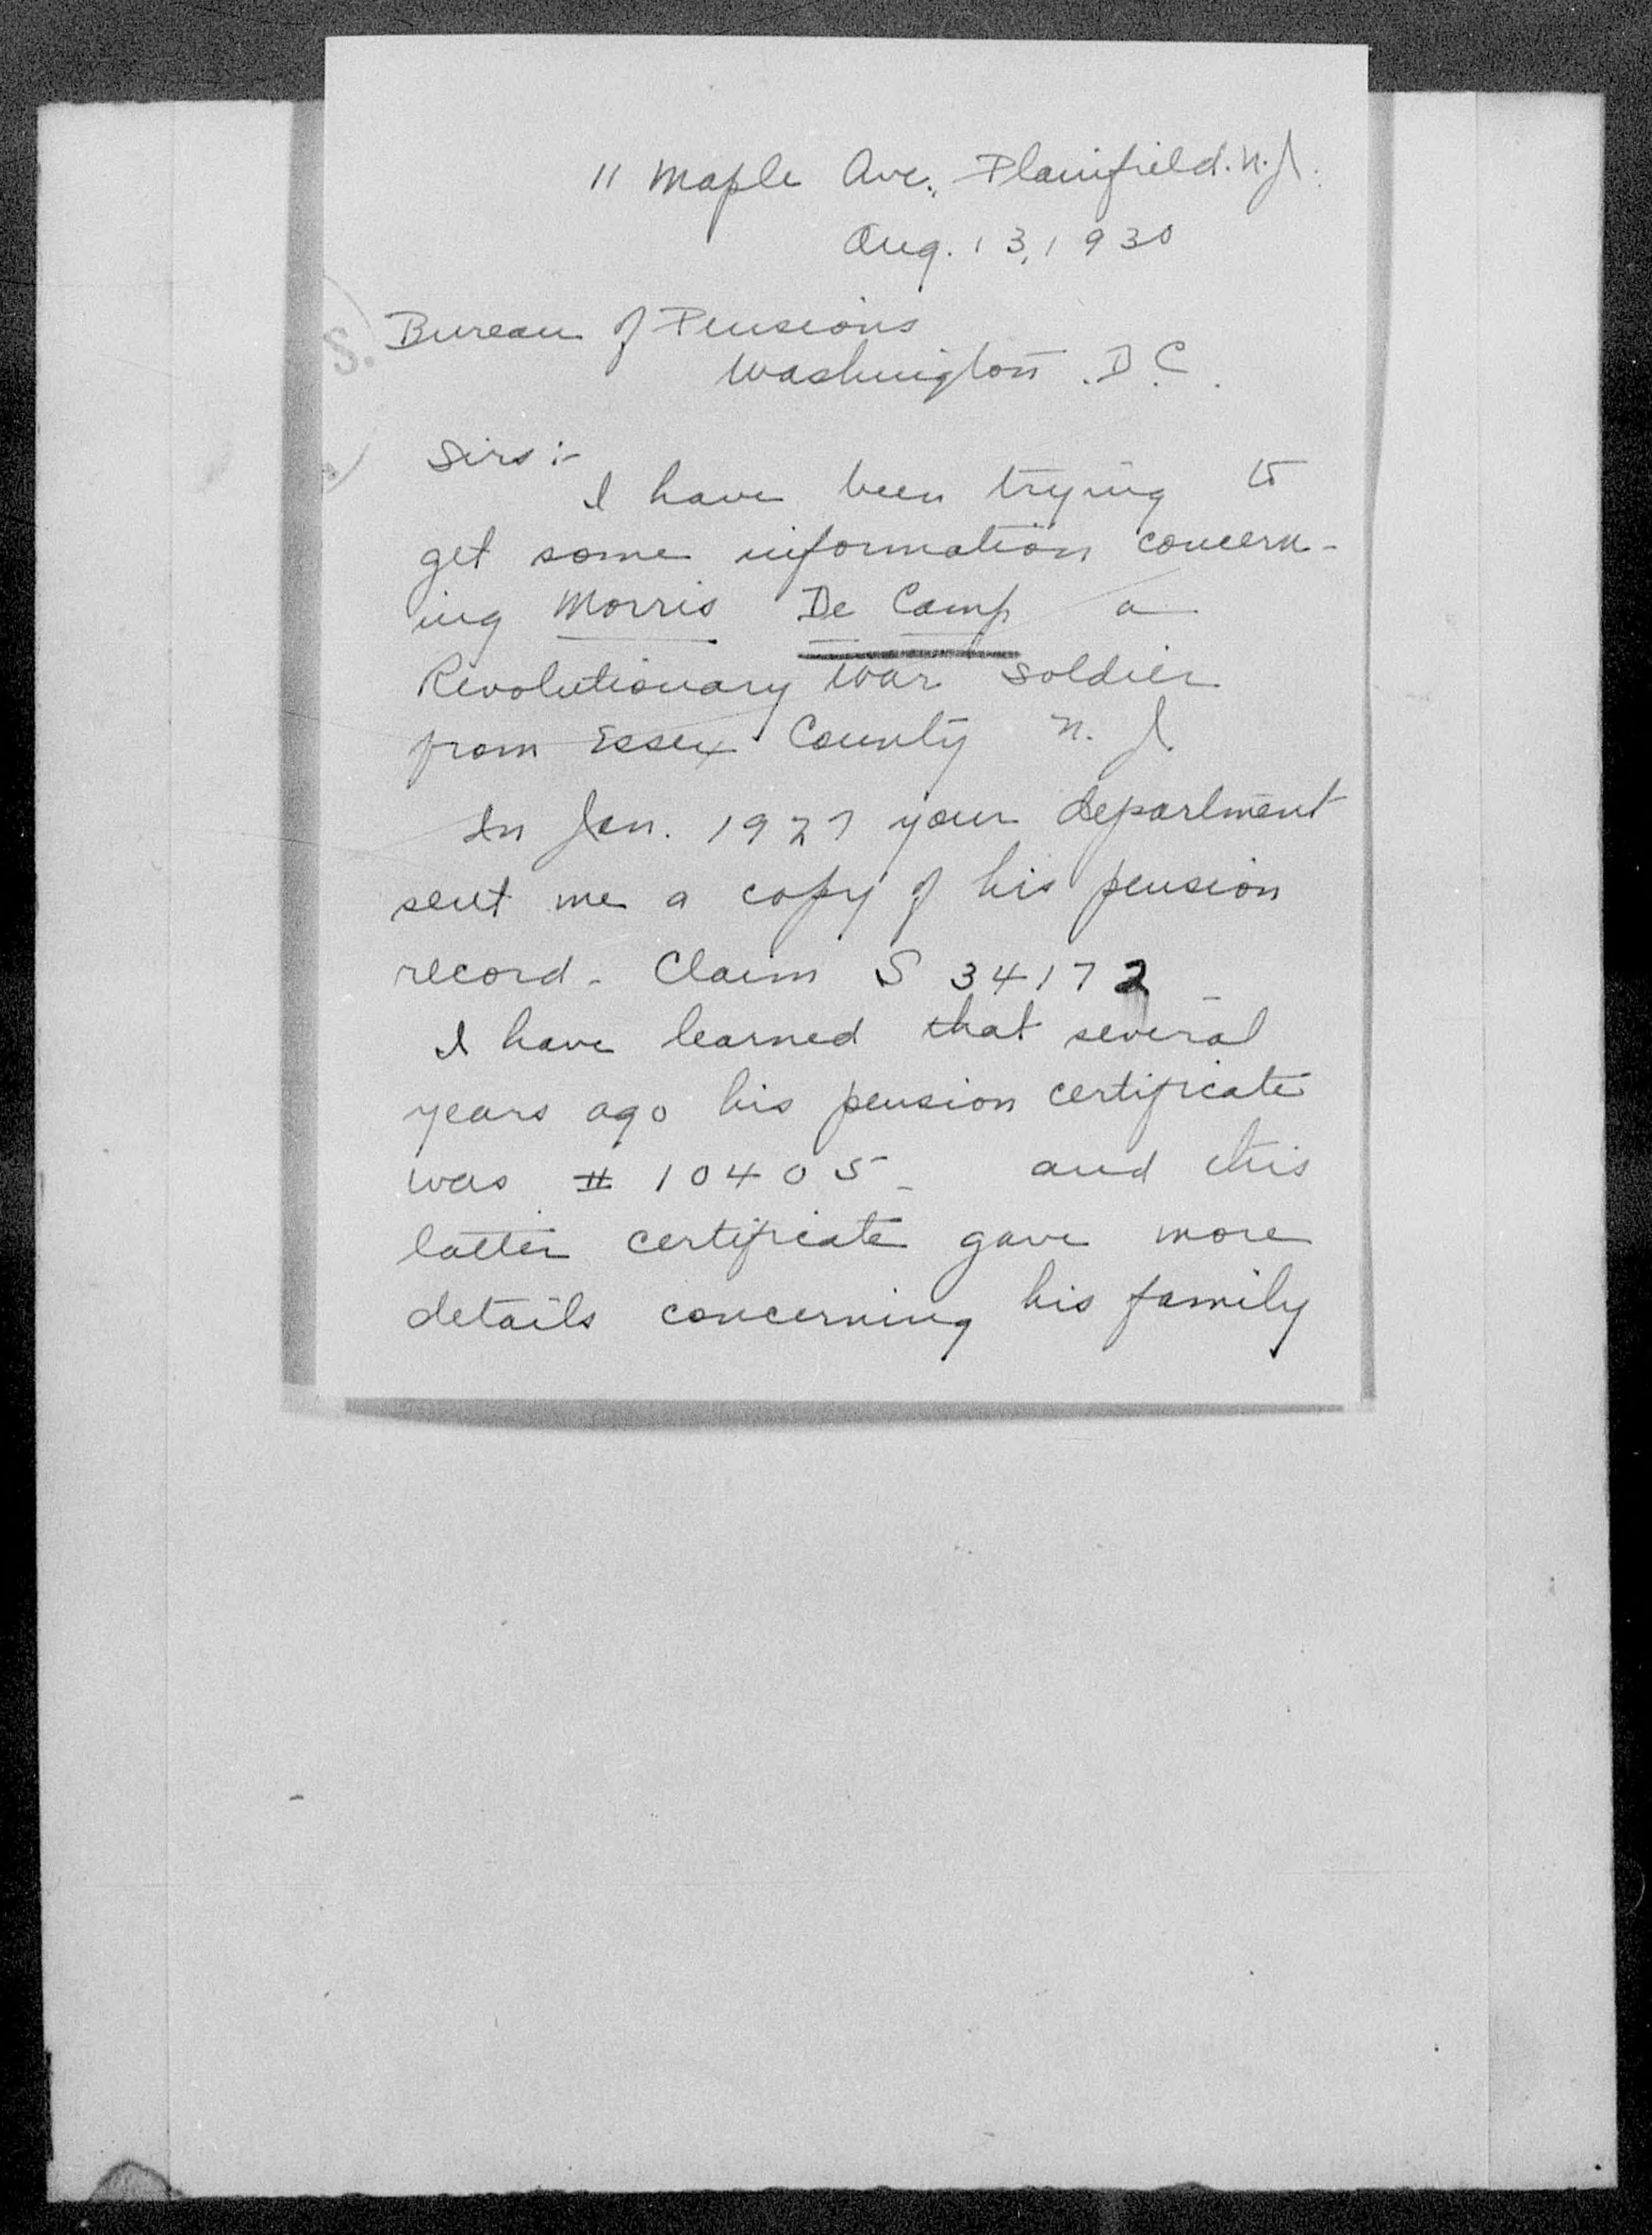11 Maple Ave. Plainfield N.J.
Aug. 13, 1930
Bureau of Pensions
Washington D.C.
Sirs:-
I have been trying to get some information concerning Morris De Camp a Revolutionary War soldier from Essex County N.J.
   In Jan. 1927 your department sent me a copy of his pension record - Claim S 34172
   I have learned that several years ago his pension certificate was #10405 - and this latter certificate gave more detains concerning his family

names: Morris De Camp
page: 43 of 52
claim: survivor's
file: S. 34172, Morris D Camp, Continental (New Jersey)